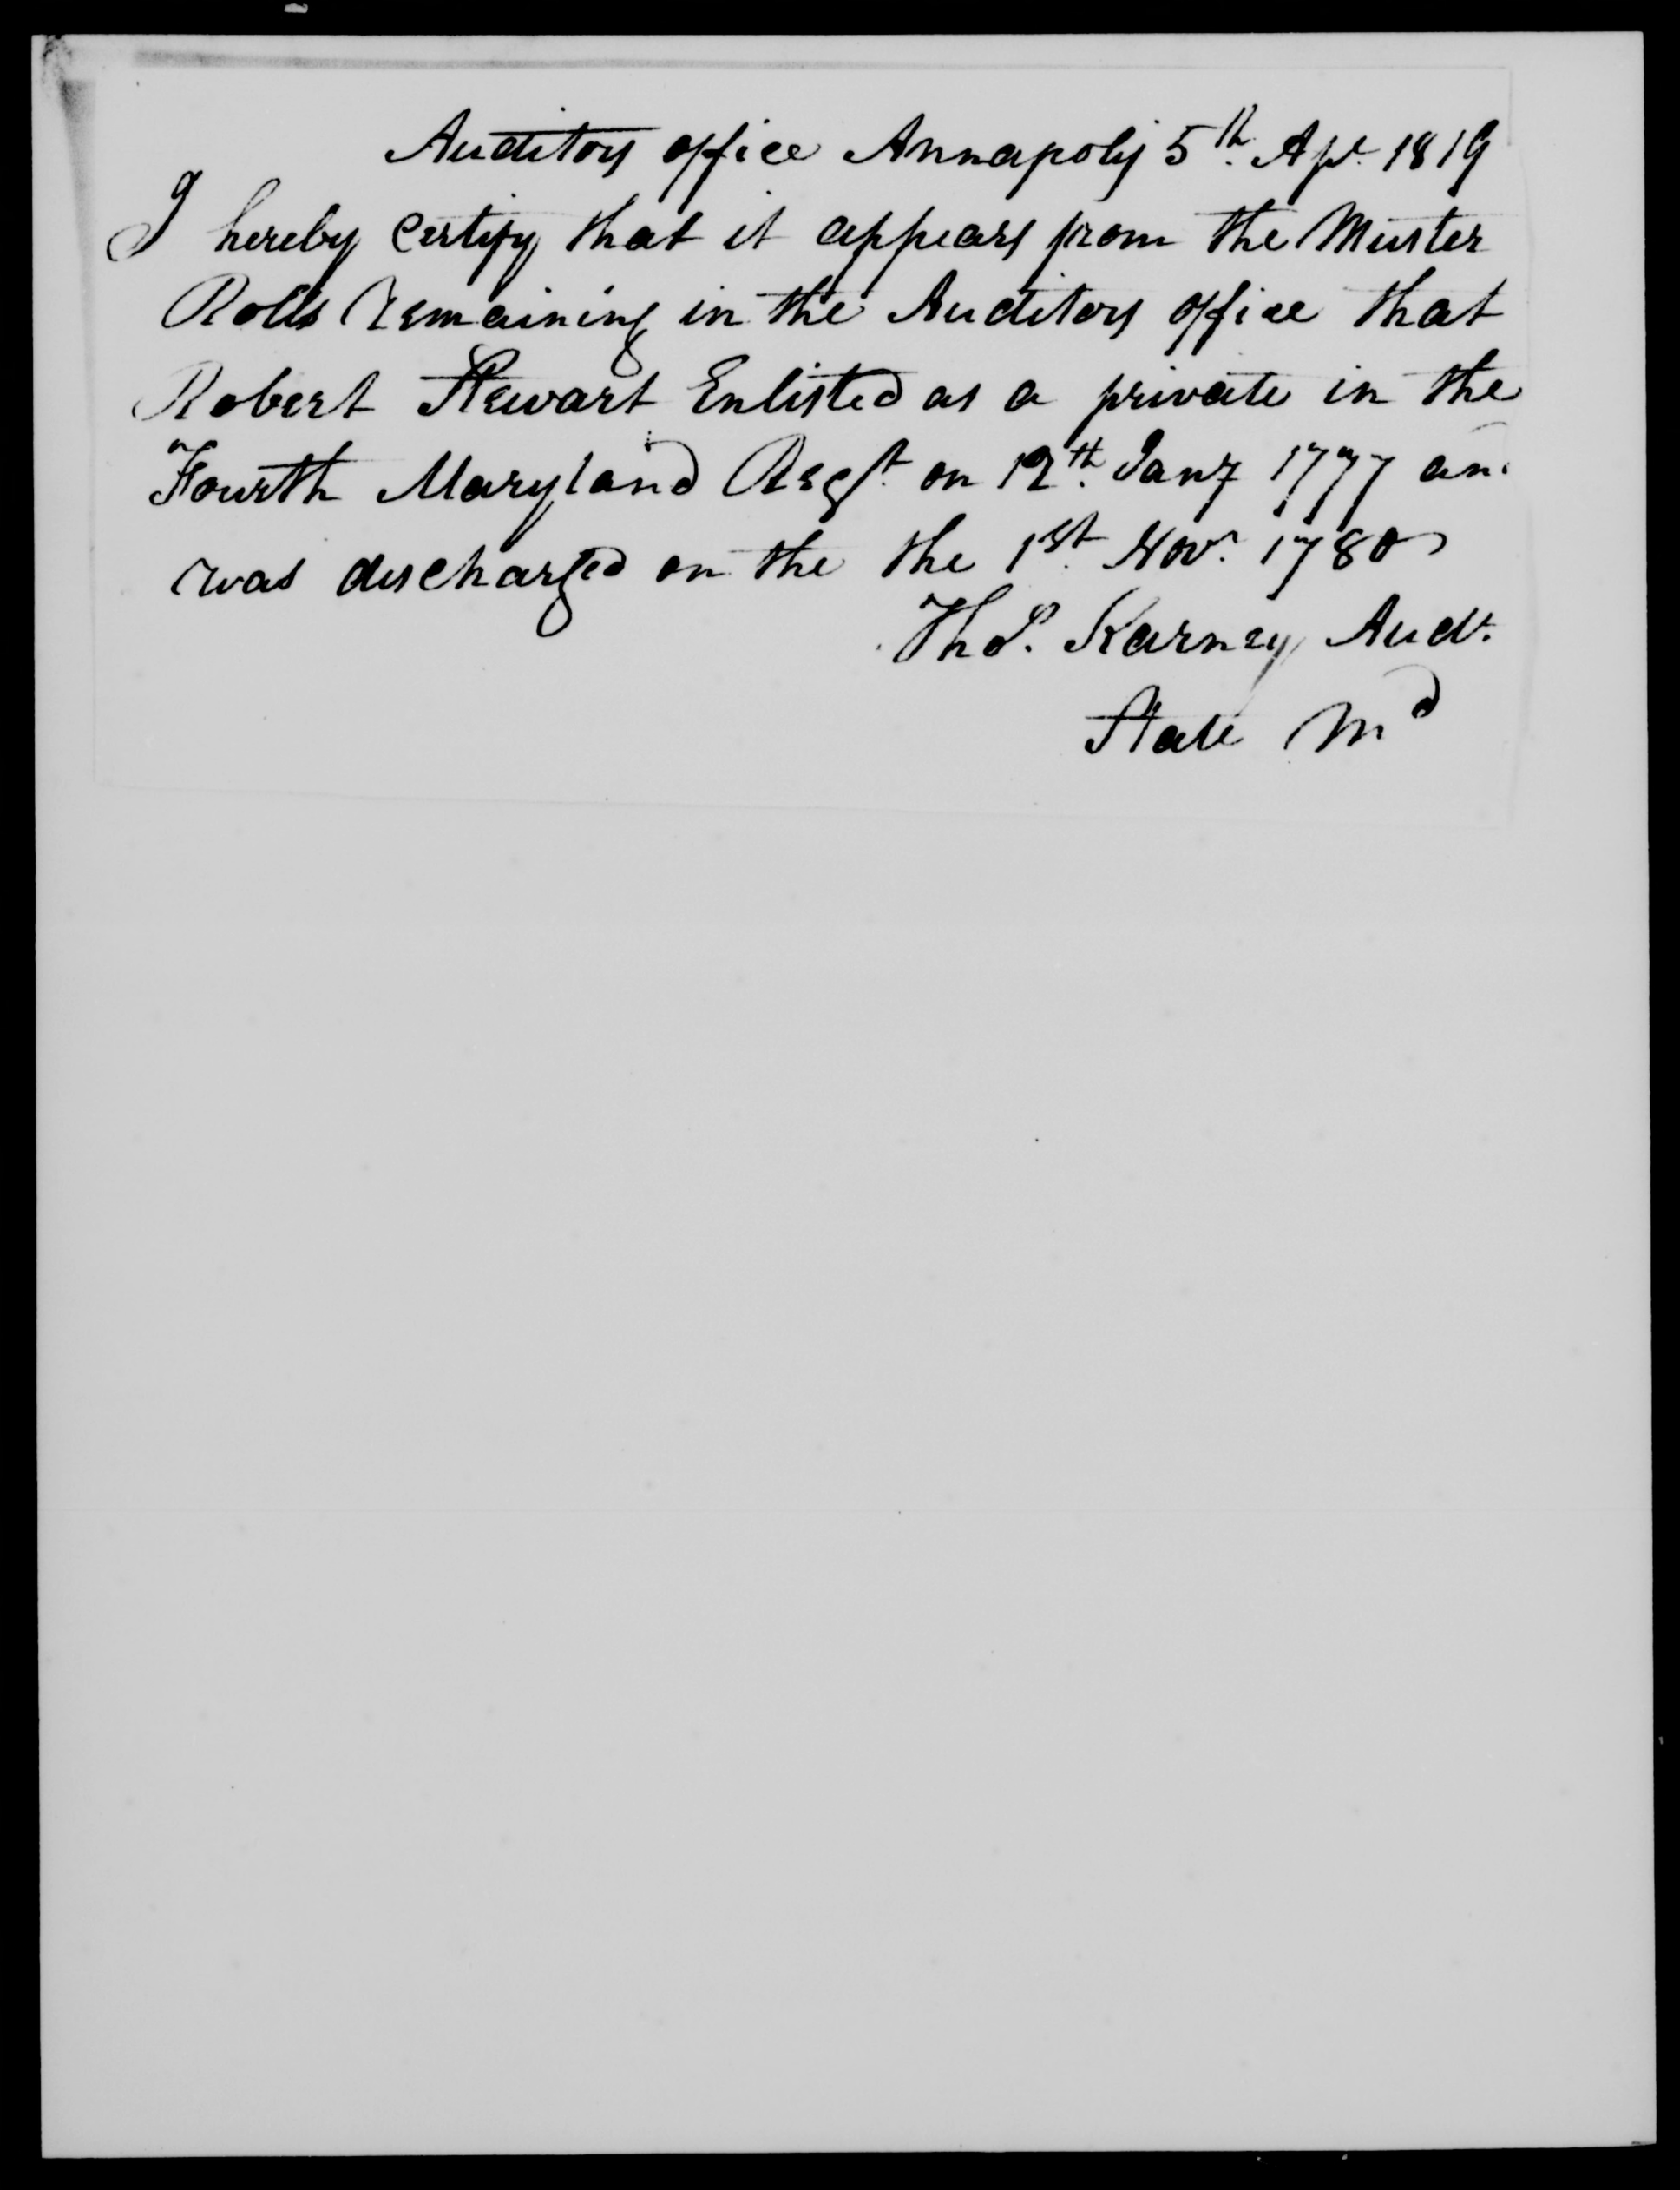Auditor's Office, Annapolis, 5th Apr 1819

I hereby certify that it appears from the muster rolls remaining in the auditor's office that Robert Stewart enlisted as a private in the Fourth Maryland Regt on 12th Jany 1777 and was discharged on the 1st Nov 1780.

Thos Karney - Audt
State MD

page: 12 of 15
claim: survivor's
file: S 39089, for Robert Stewart, Maryland